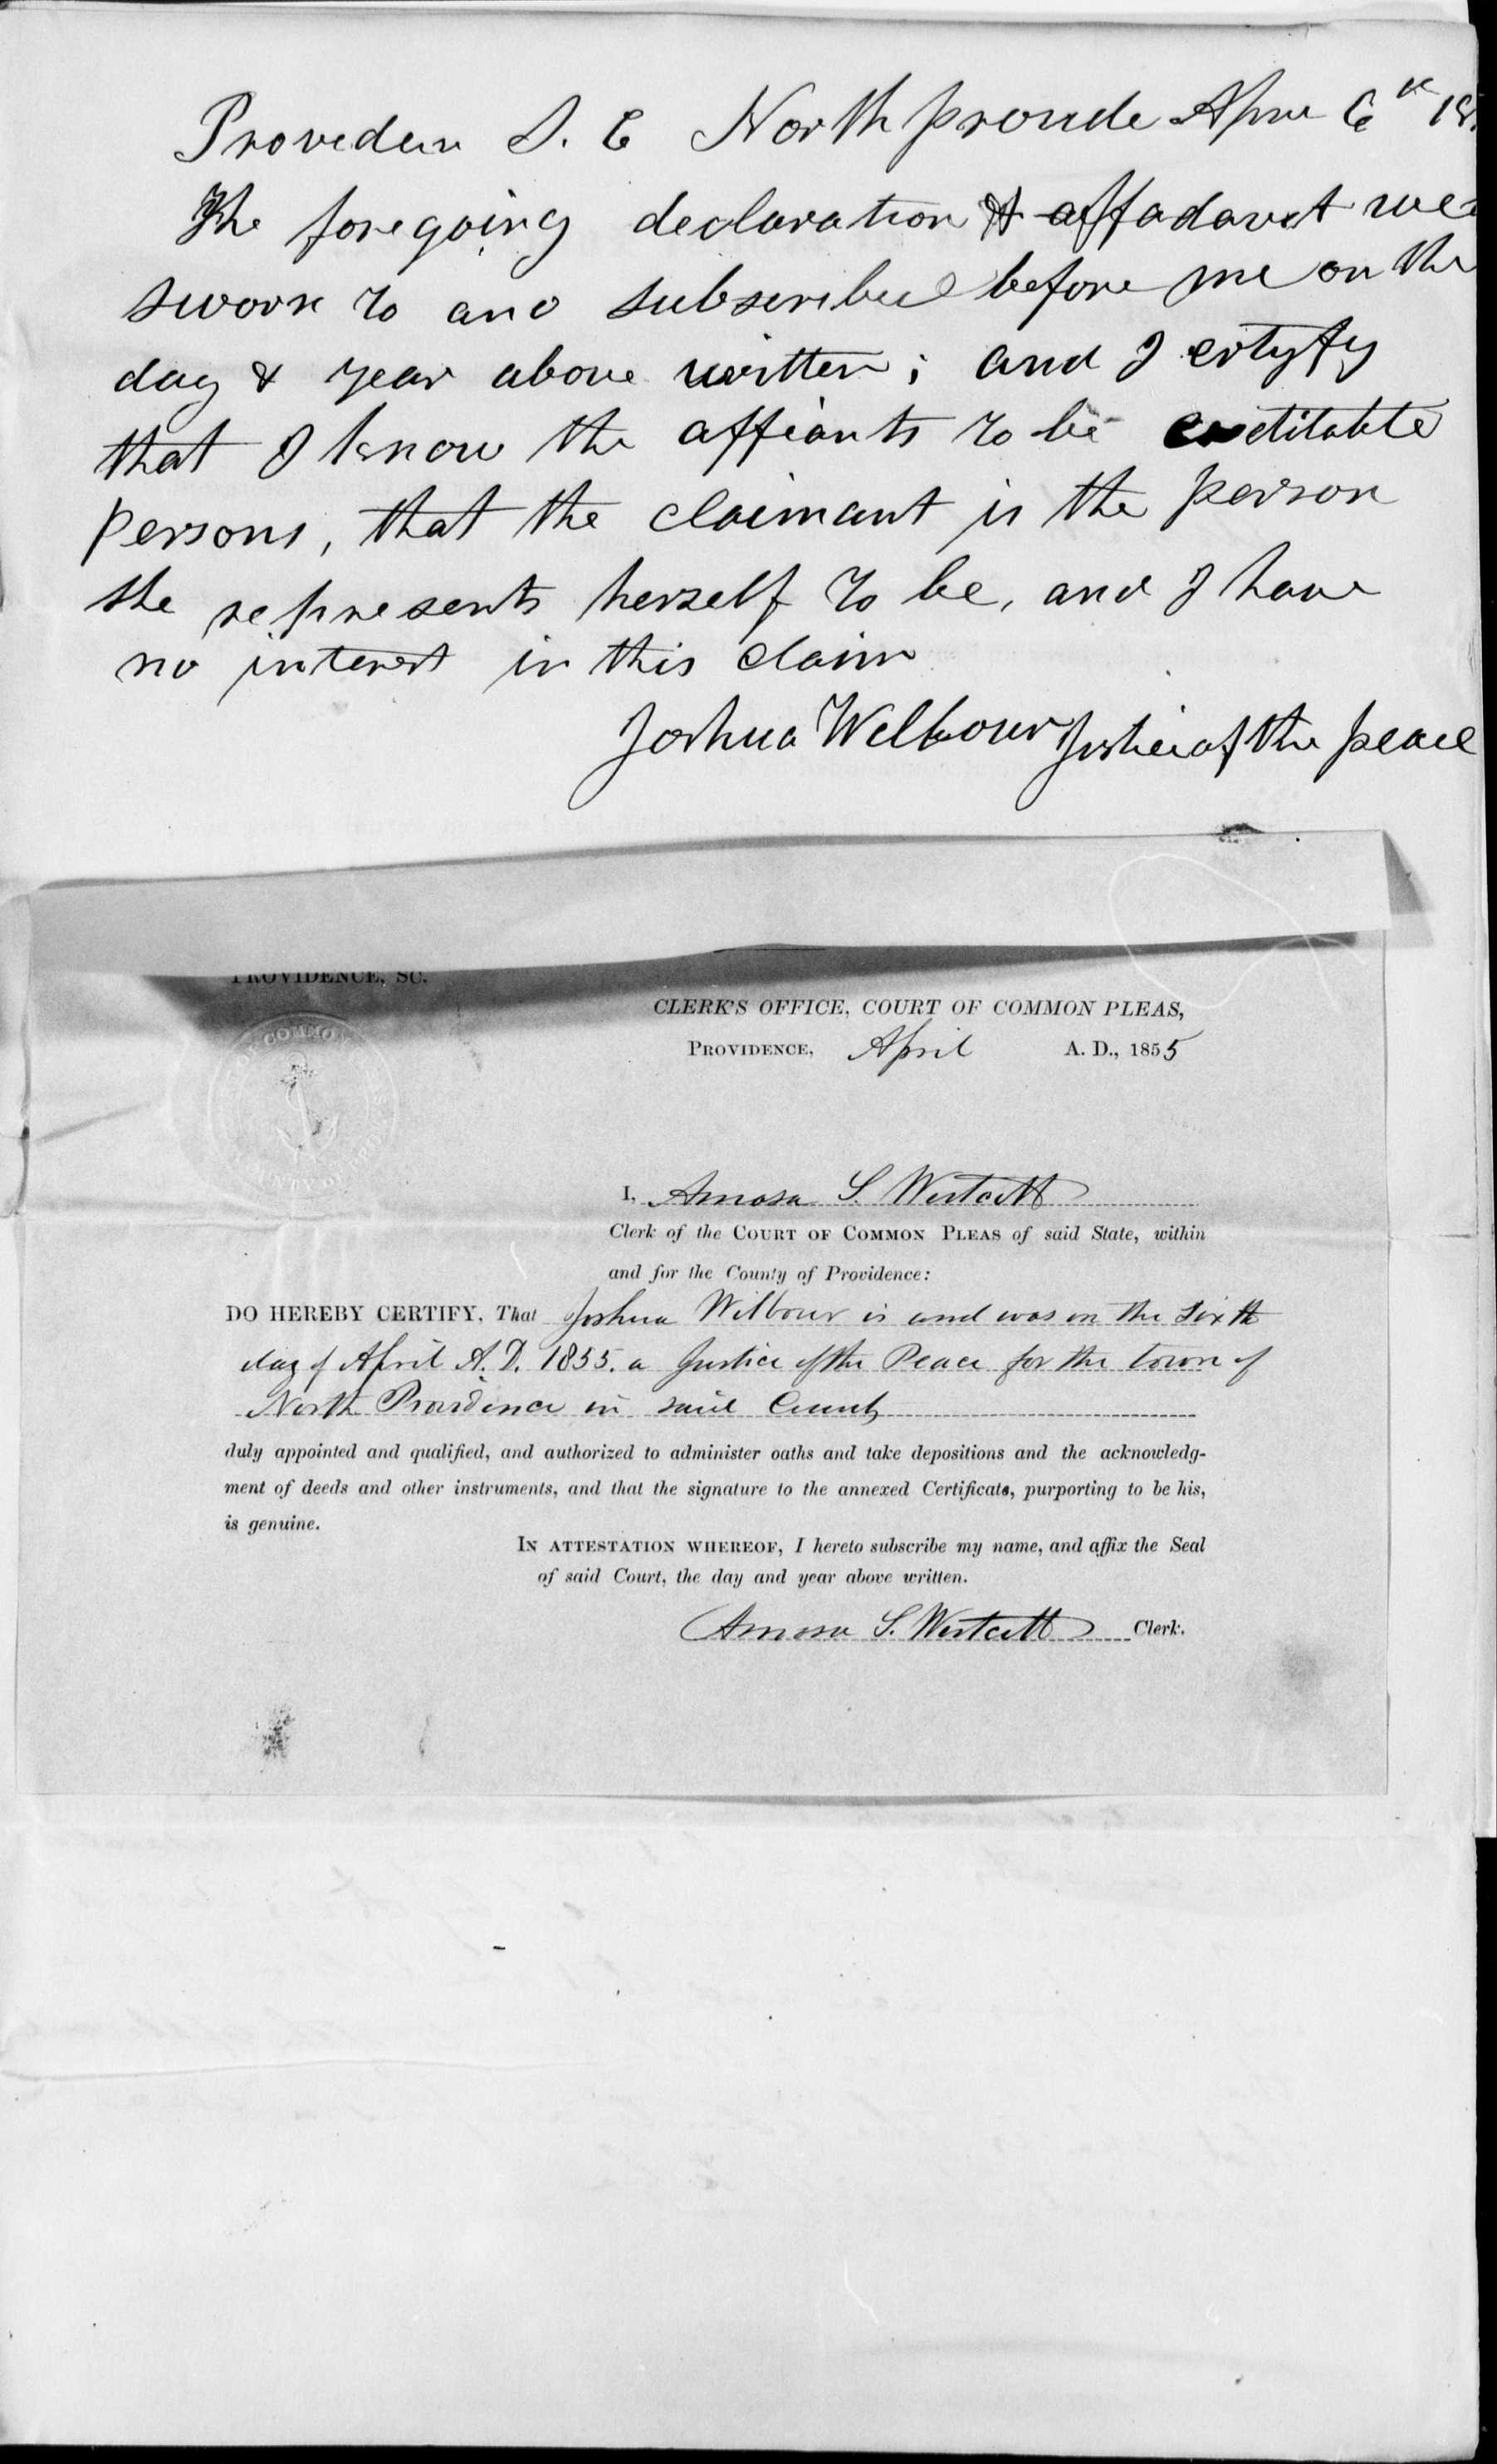Providence S. C. North Providence April 6th 1855 The foregoing declaration & affidavit sworn to and subscribed before me on the day & year above written; and I certify that I know the affiants to be creditable persons, that the claimant is the person she represents herself to be, and I have no interest in this claim

[signature] Joshua Wilbour, Justice of the peace

[Separate document]
PROVIDENCE, SC. [obscured]
CLERK'S OFFICE, COURT OF COMMON PLEAS,
Providence, April A.D., 1855
[seal on left side - COURT OF COMMON PLEAS COUNTY OF PROV - surrounding image of fouled anchor]

I, Amasa S. Westcott Clerk of the COURT OF COMMON PLEAS of said State, within and for the County of Providence: DO HEREBY CERTIFY, That Joshua Wilbour is and was on the sixth day of April A.D. 1855, a Justice of the Peace for the town of North Providence in said County duly appointed and qualified, and authorized to administer oaths and take depositions and the acknowledgment of deeds and other instruments, and that the signature to the annexed Certificate, purporting to be his, is genuine.
IN ATTESTATION WHEREOF, I hereto subscribe my name, and affix the Seal of said Court, the day and year above written.
[signature] Amasa S. Westcott Clerk.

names: Amasa S Westcott, Joshua Wilbour, Amasa S Westcott, Joshua Welbour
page: 18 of 29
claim: widow's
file: W. 2582, Caleb Arnold, R.I.